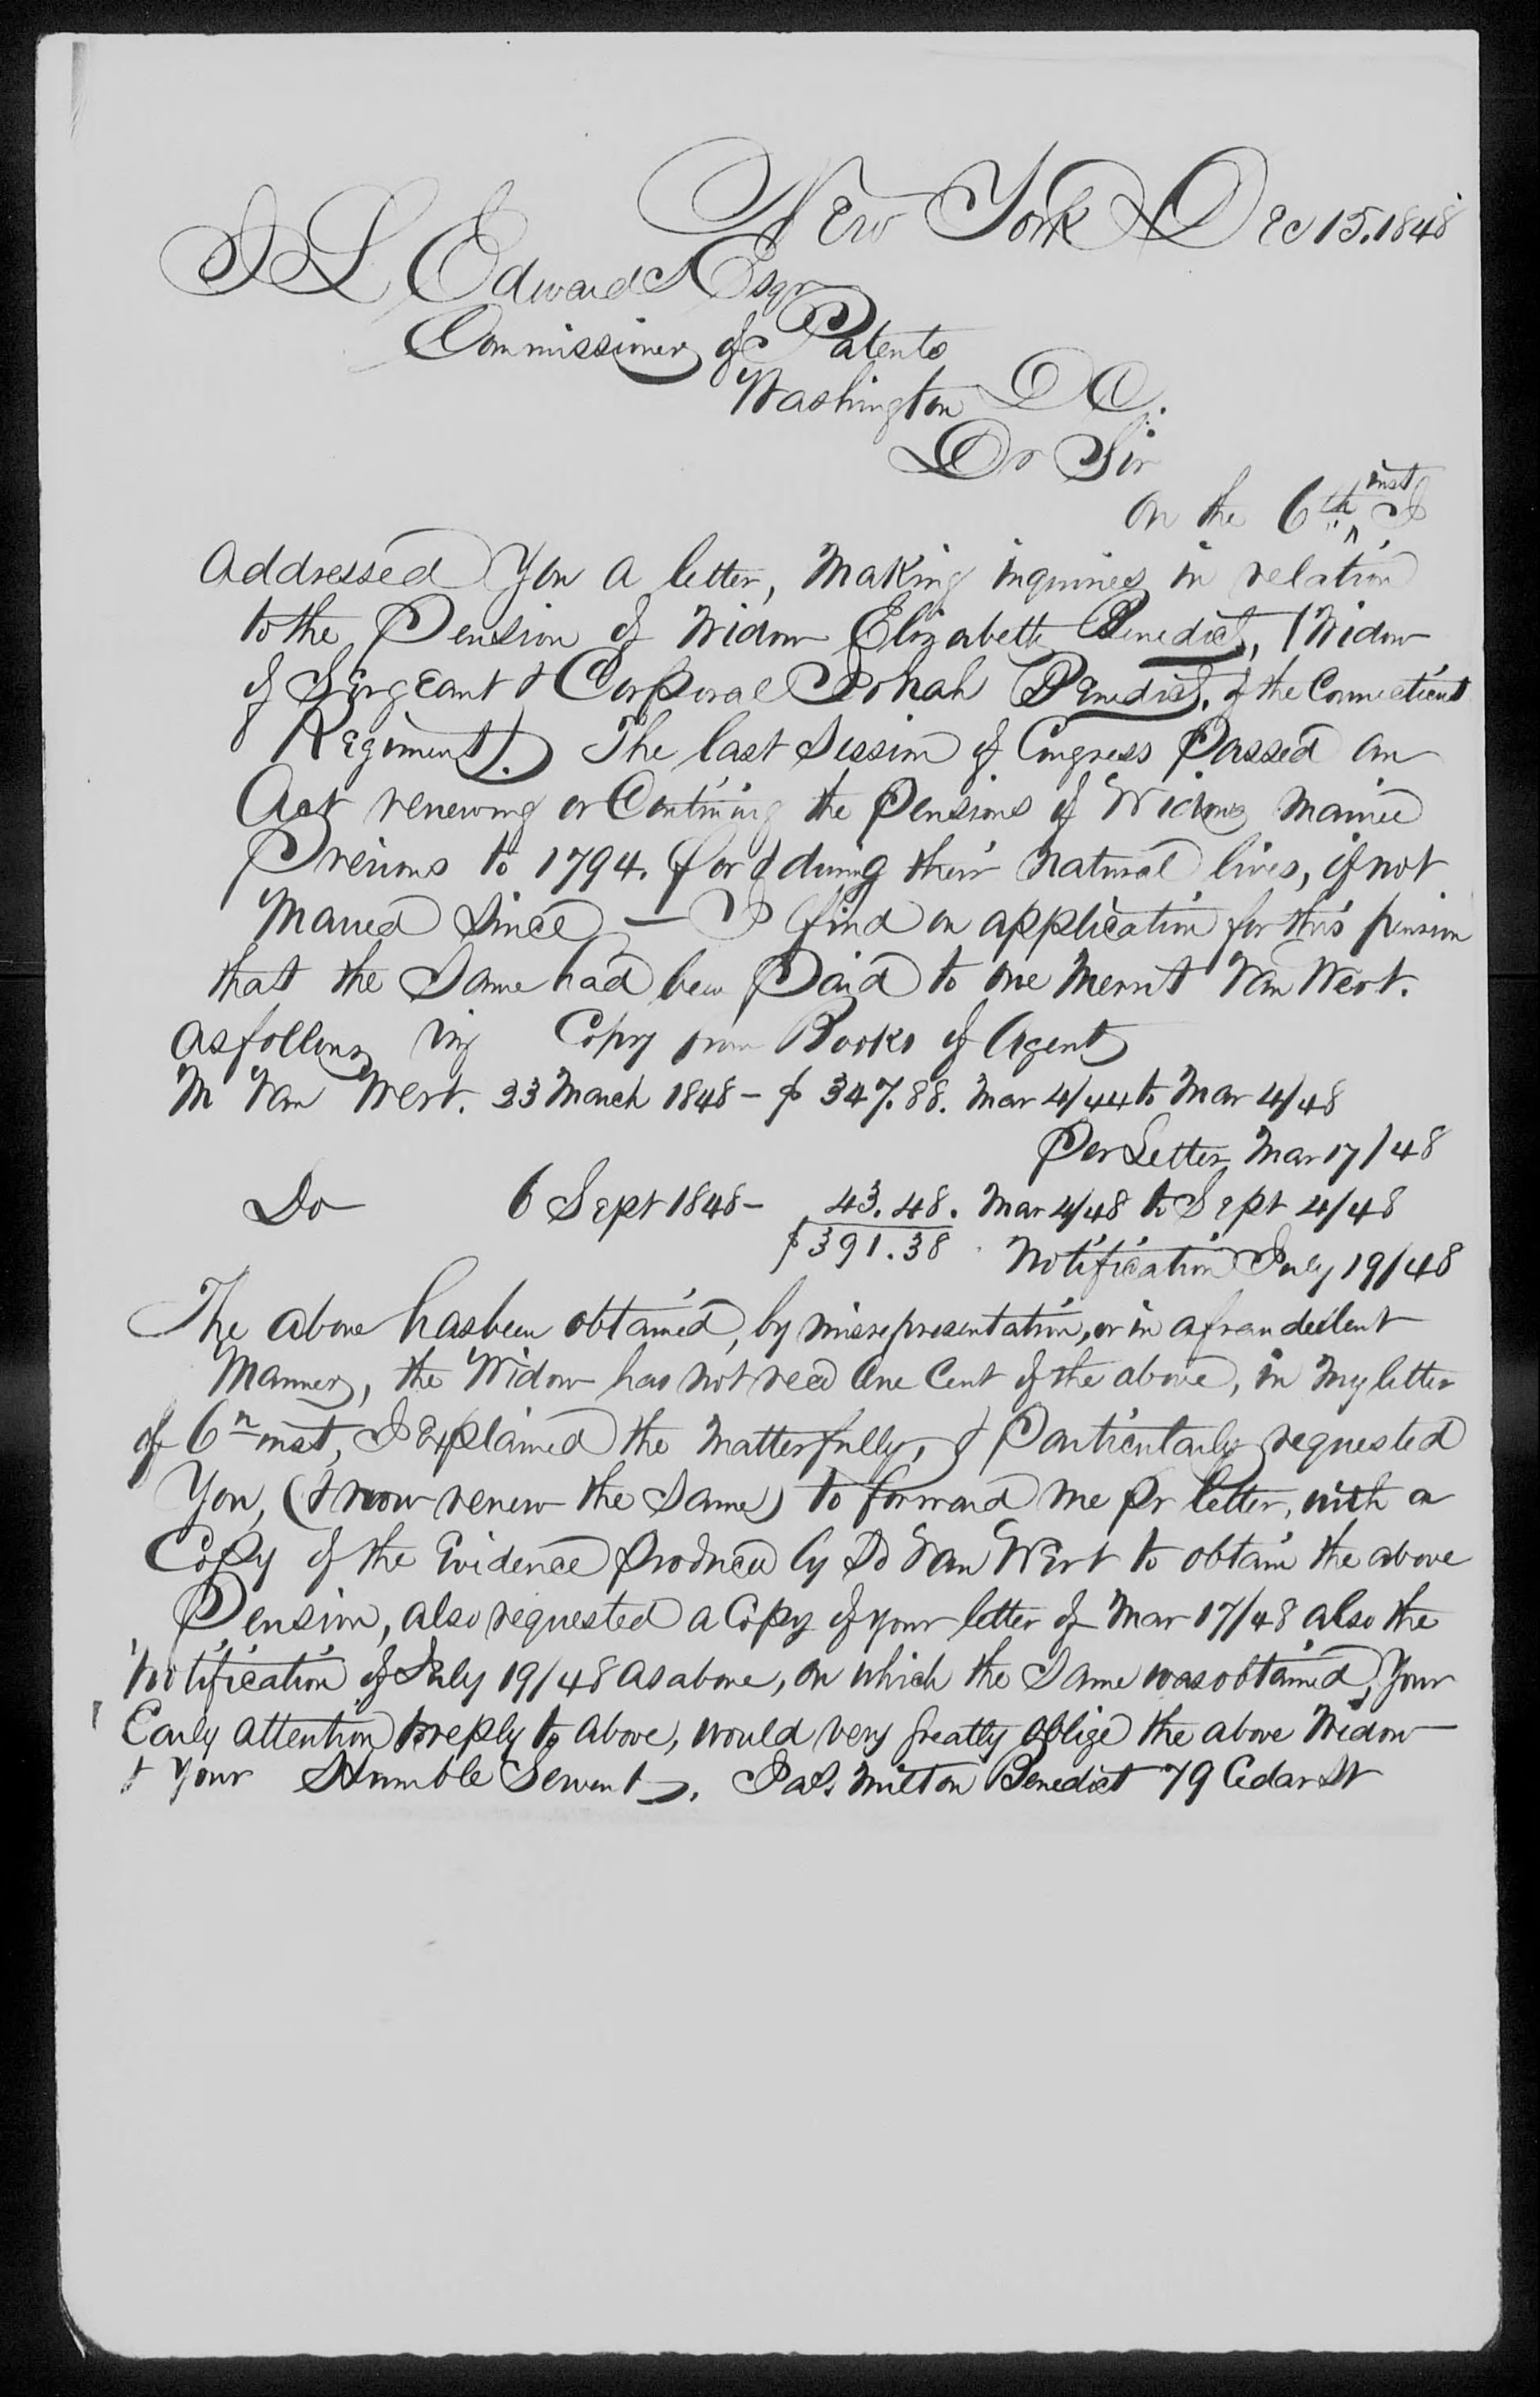New York Dec 15,1848
J L Edmunds Esq
     Commissioner of Patents
                     Washington D C.
                                  Dr Sir
                                            On the 6th inst I
addressed you a letter, making inquires in relation
to the Pension of Widow Elizabeth Benedict, Widow
of Sergeant & Corporal Jonah benedict of the Connecticut
Regiment. The last Session of Congress passed on
Act renewing or continuing the pensions of Widows married
Previous to 1794, for & during their natural lives, if not
married since - I find on application for this pension
that the same had been paid to one Merit Van West.
as follows my Copy from Books of Agent
M Van Wert. 23 March 1848 - $347.88. Mar 4/44 to Mar 4/48
                                                        per Letter. Mar 17/48
       Do         Sept 1848-          43.48. Mar 4/48 to Sept 4 /48
                                             $391.38  Notification July 19/48
The above has been obtained, by misrepresentation, or in a fraudulent
manner, the widow has not recd one cent of the above, in my letter
6th inst, I explained the matter fully & particularly requested
you, (I now renew the same) to forward me pr letter, with a
Copy of the Evidence produced by sd Van West to obtain the above
Pension, also requested a copy of your letter of Mar 17/48 also the
notification of July 19/48 as above, on which the same was obtained, your
early attention reply to above, would very greatly oblige the above Widow
your Humble Servent         Jas. Milton Benedict 79 Cedar St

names: Jas Milton Benedict, J L Edwards, Elizabeth Benedict, Jonah Benedict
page: 38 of 56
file: [ILLEGIBLE], Jonah Benedict, Conn.